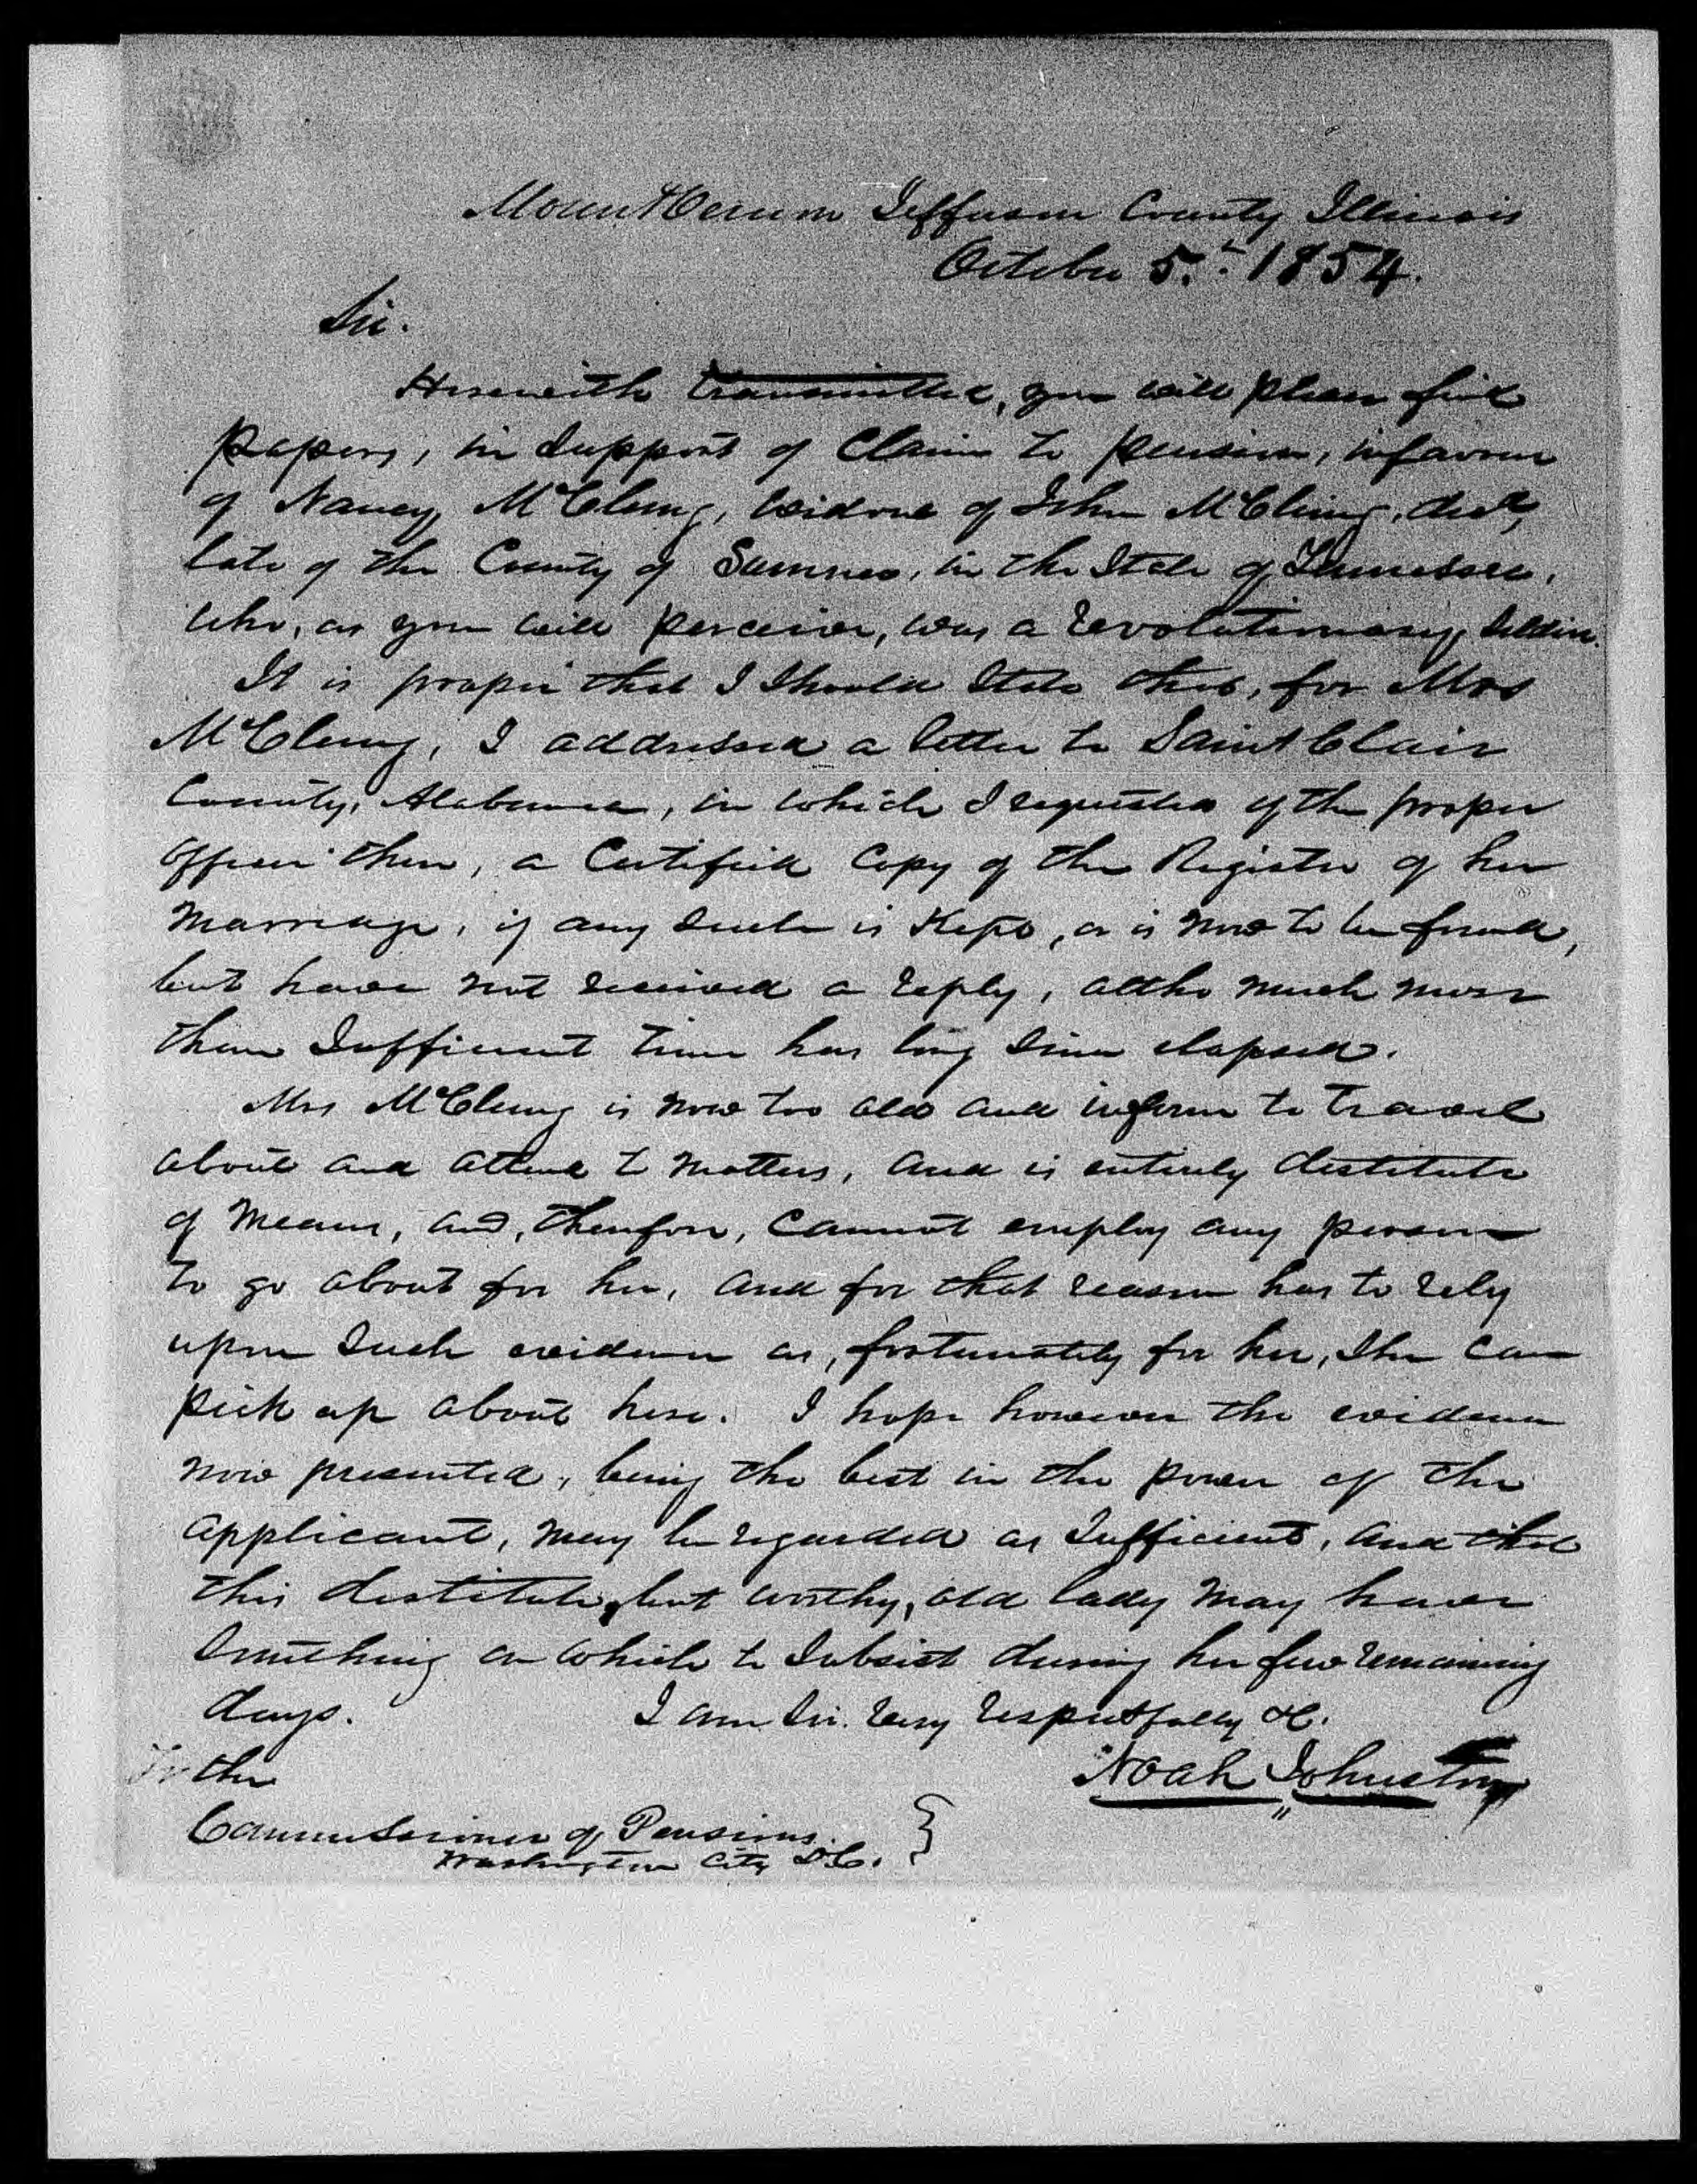Mount Vernon Jefferson County Illinois
October 5th 1854
Sir,
Herewith transmitted, one will please find papers, in support of claim to pension, in favor of Nancy McClung, widow of John McClung dc'd late of the County of Sumner, in the State of Tennessee who,  as you will perceive, was a revolutionary Soldier

It is proper that I should state this, for Mrs. McClurg, I addressed a letter to Saint Clair County, Alabama, in which I requested of the proper Officer there, a certified Copy of the Register of her
marriage, if any such is kept, or if no to be informed but have not received a reply, altho much more
than sufficient time has long since elapsed

Mrs. McClung is now too old and infirm to travel about and attend to matters, and is entirely destitute
of means, and therefore, cannot employ any person to go about for her, and for that reason has to Rely upon such evidence as fortunately for her, she can pick up about here. I hope however the evidence now presented, being the best in the power of the applicant, may be regarded as sufficient, and that this destitute, but worthy old lady may have something on which to subsist during her few remaining days
I am Sir Very Respectfully &c
Noah Johnston

To the Commissioner of Pensions
Washington DC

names: Nancy Mc Clung; John Mc Clung; Noah Johnston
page: 104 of 115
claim: widow's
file: W. 1446, for John Mc Clung, South Carolina